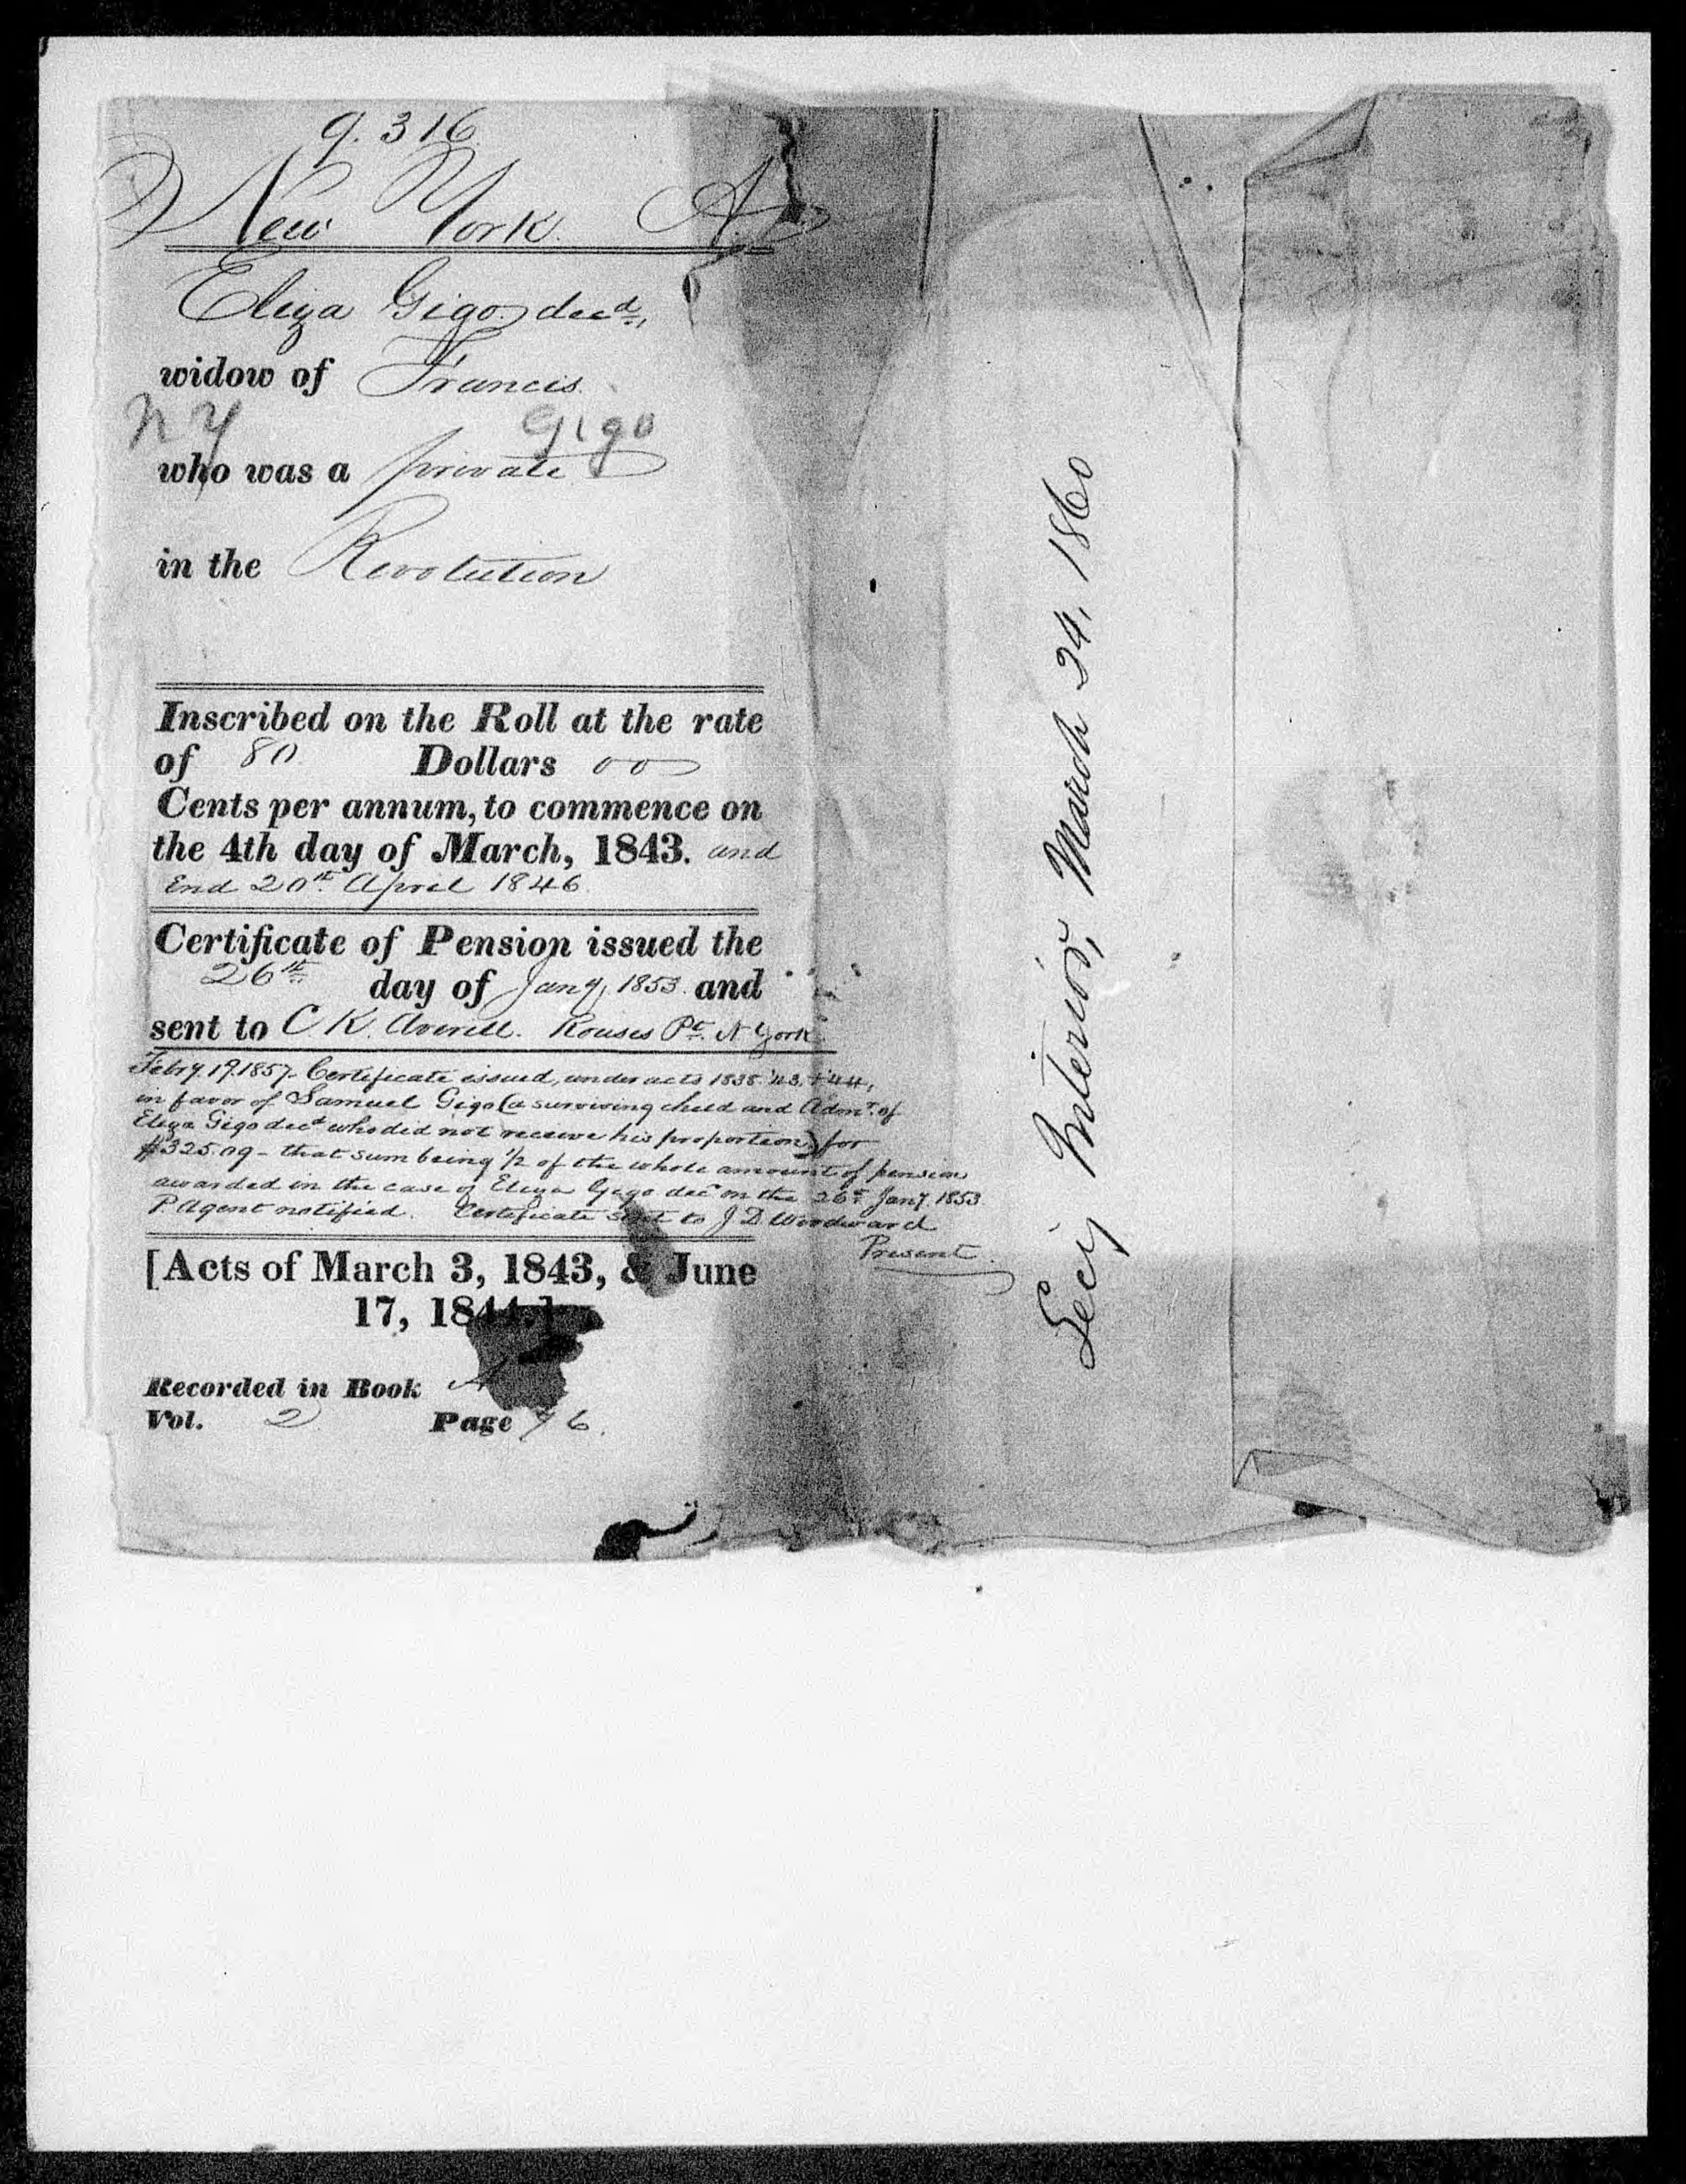9316
New York A.D.
Eliza Gigo decd
widow of Francis
NY who was a private Gigo
in the Revolution
__________
Inscribed on the Roll at the rate of 80 Dollars 00 Cents per annum, to commence on the 4th day of March, 1843, and end 20th April 1846
____________
Certificate of Pension issued the 26th day of Jan4, 1853 and sent to C. K. Averill. Rouses pt at York
_____________
Febry. 1918. 1857. Certificate issued, under acts 1838 '43 +'44, in favor of Samuel Gigo ( a surviving child and Adam of Eliza Gigo decd who did not receive his proportion) for $325 09 - that sum being 1/2 of the whole amount of pension awarded in the case of Eliza Gigo decd on the 26th Jany, 1853.
P. Agent notified. Certificate sent to J. D. Woodward  Present
____________[
[Acts of March 3, 1843, & June 17, 1844]
Recorded in Book A Vol. 2 Page 76
Sec'y Interior, March 24, 1860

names: J D Woodward, Eliza Gigo, Francis Gigo, C K Averill, Samuel Gigo, Eliza Gigo, Eliza Gigo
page: 2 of 98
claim: widow's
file: W. 21182, Francis Gigo, Continental (Canadian)